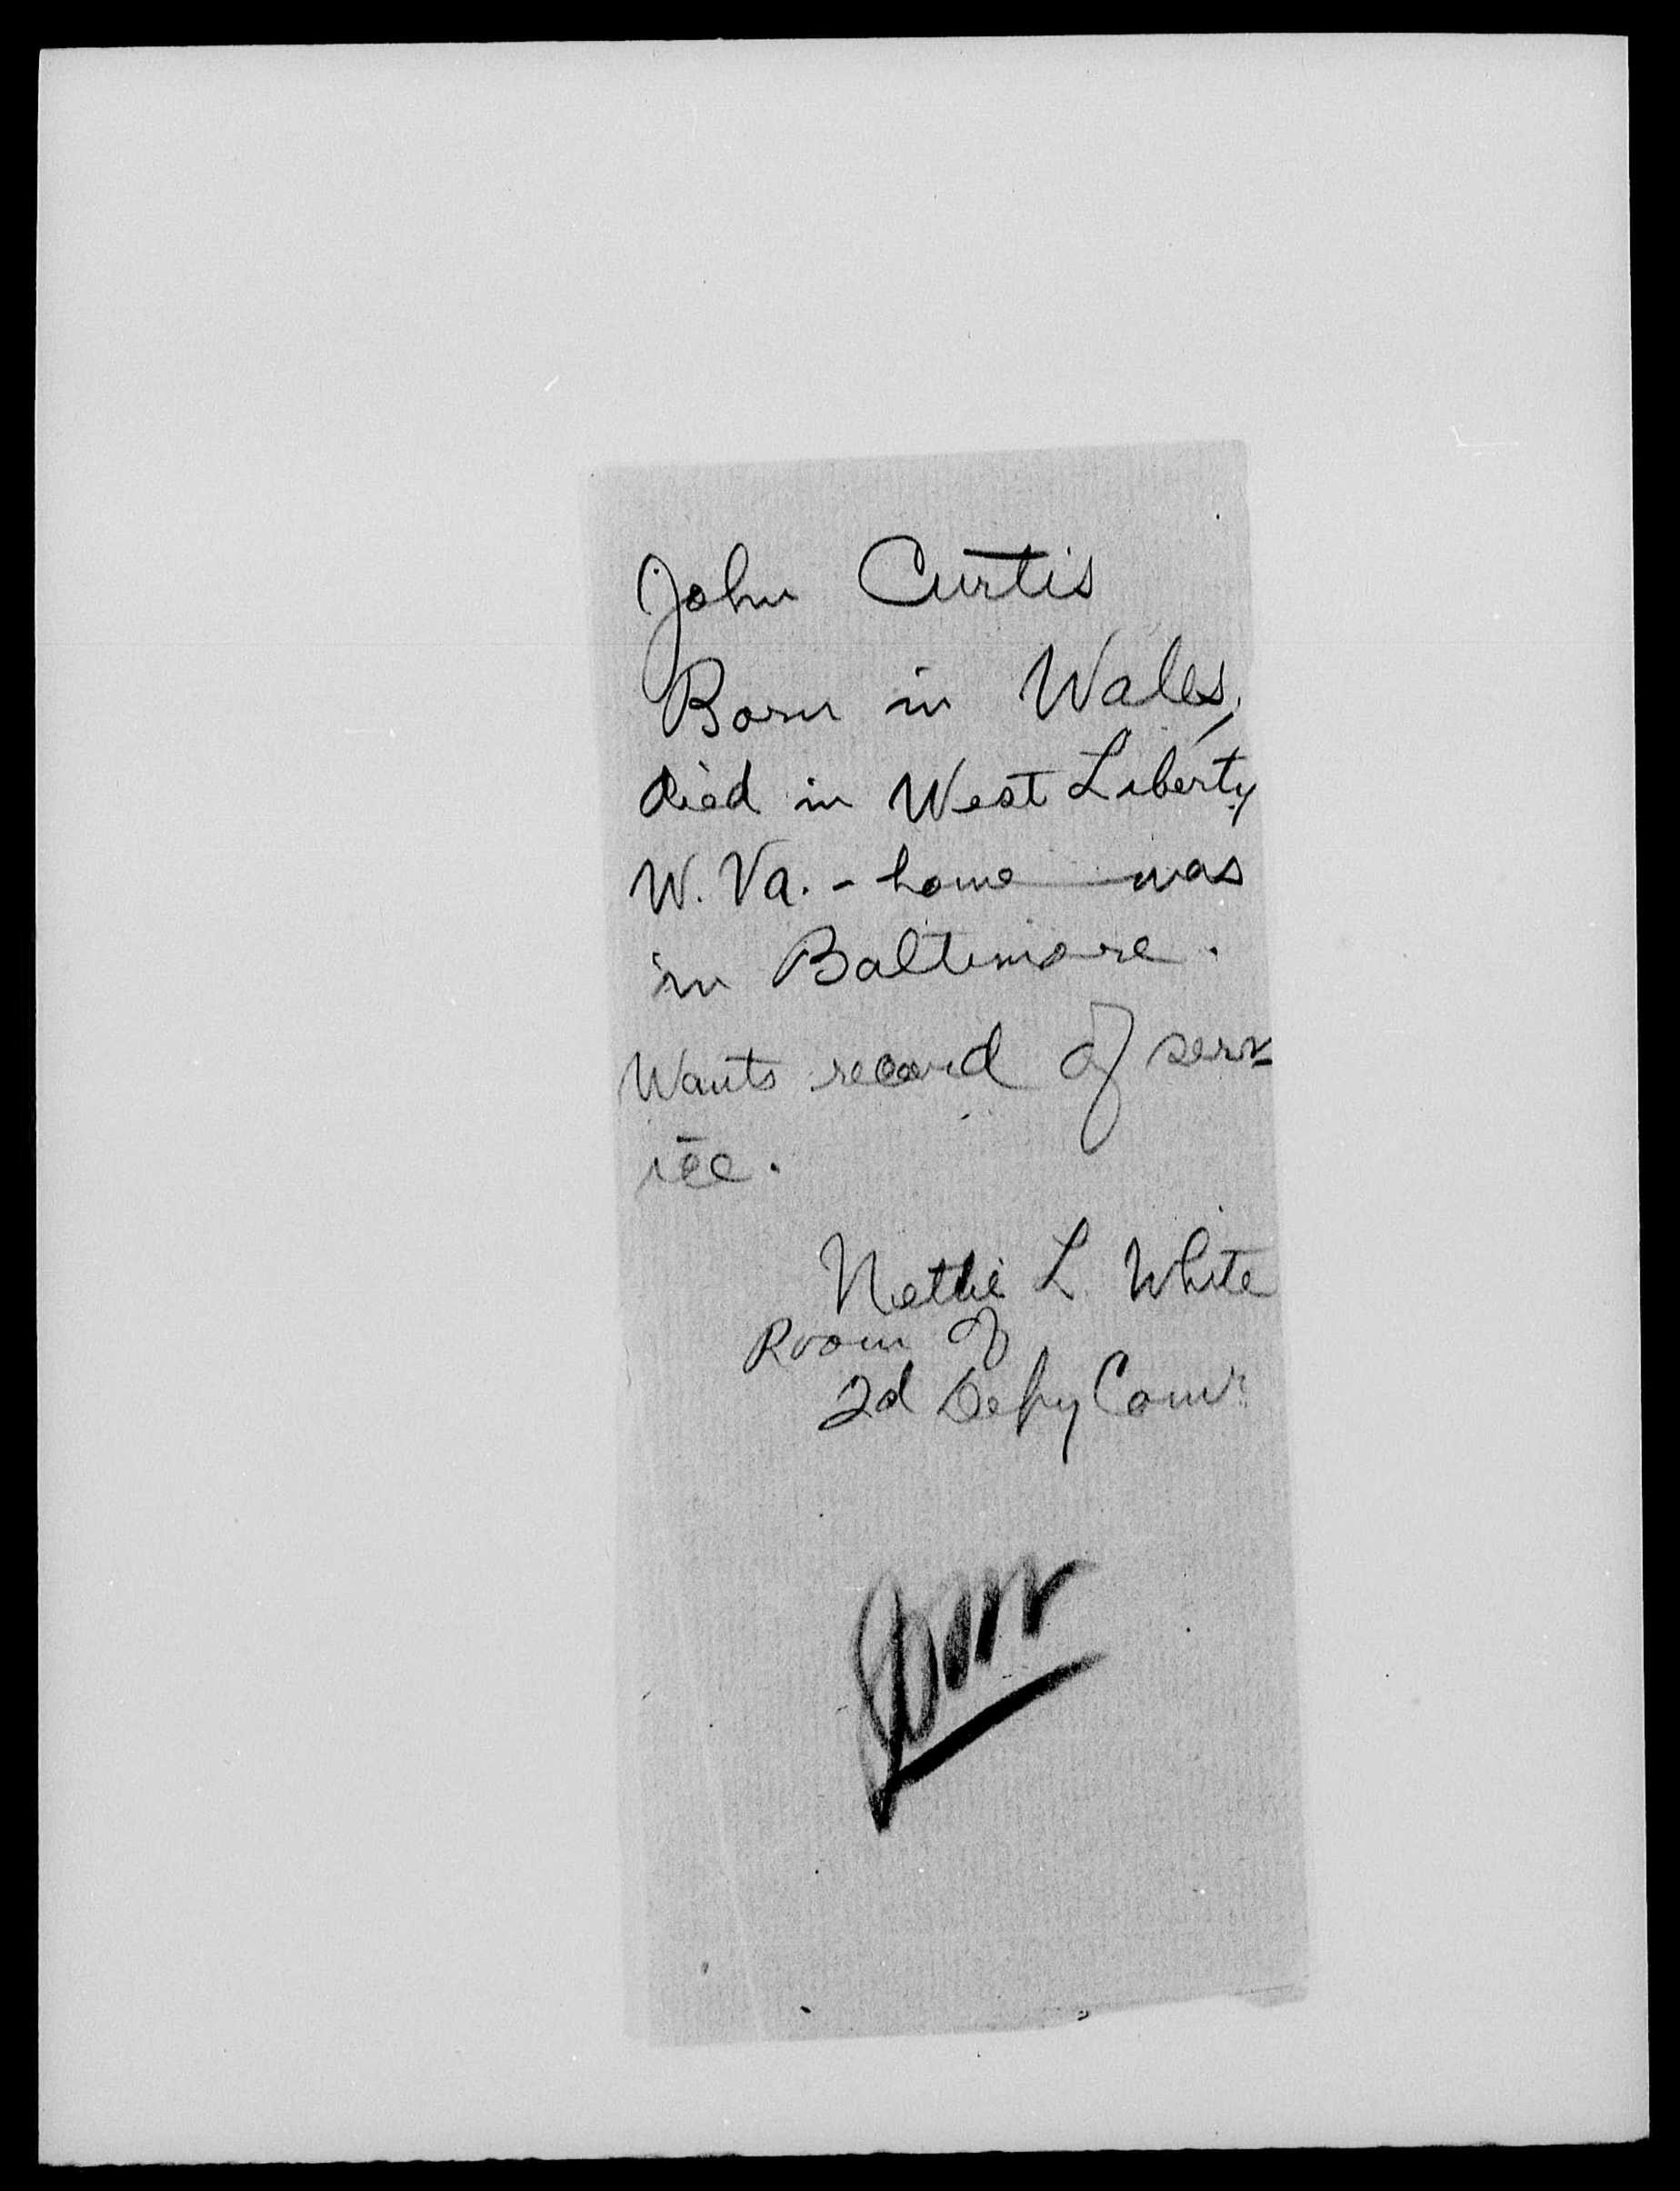John Curtis
Born in Wales;
died in West Liberty  W. Va. - home was in Baltimore.
Wants record of service.
Nettie L  White
Room of 2d Defy Comr

Jom[??]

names: John Curtis, Nettie L White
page: 10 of 26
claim: survivor's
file: S. 34,725, John Curtis, Md.